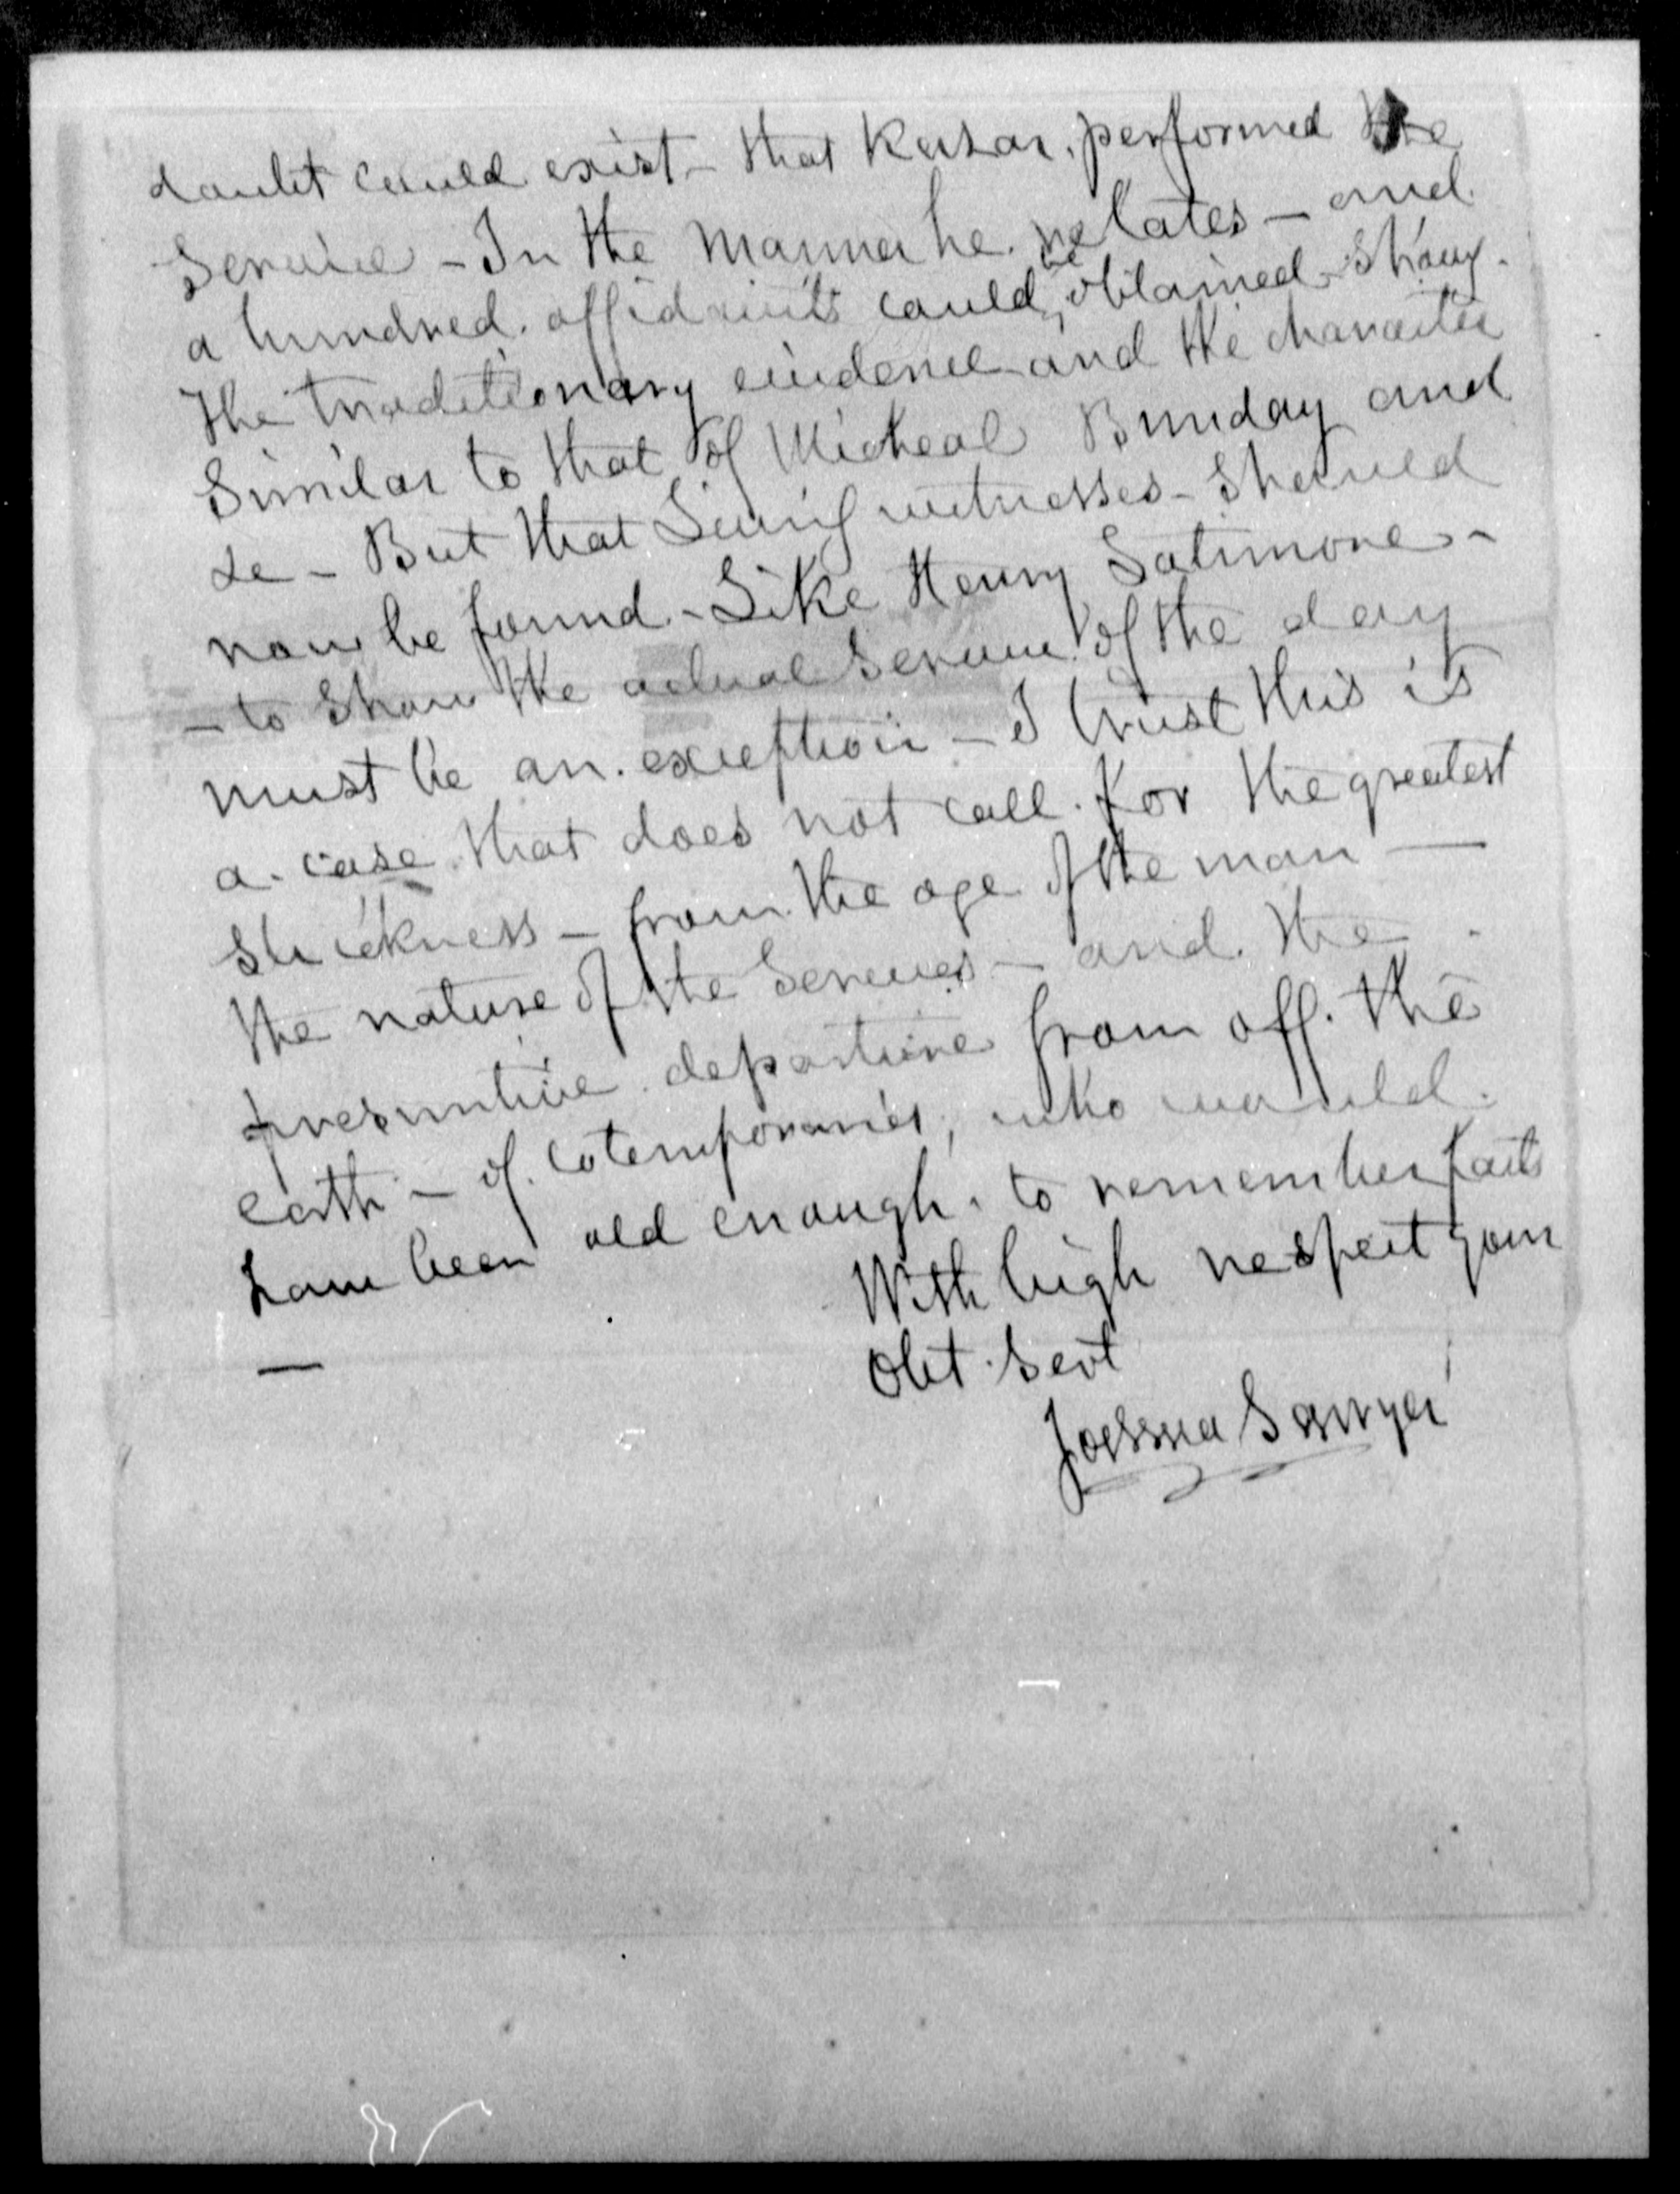doubt could exist that Razar performed the
service - In the manner he relates - and 
a hundred affidavits could be obtained showing
The traditionary evidence and the character
Similar to that of Michael Bunday and &c
But that living witnesses should 
now be found. Like Henry Latimore 
to show the actual service of the [illegible]
must be an exception - I trust this is a
case that does not call for the greatest
[illegible] - from the age of the man - 
the nature of the Services - and the
presumptive departure from off the 
earth - of contemporaries, who would
have been old enough to remember facts
With high respect your
Obt. Svt.
Joshua Sawyer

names: [BLANK] Razar; Joshua Sawyer; Micheal Bunday; Henry Latimore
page: 20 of 30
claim: rejected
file: R. 8625, for Elisha Razar, Connecticut